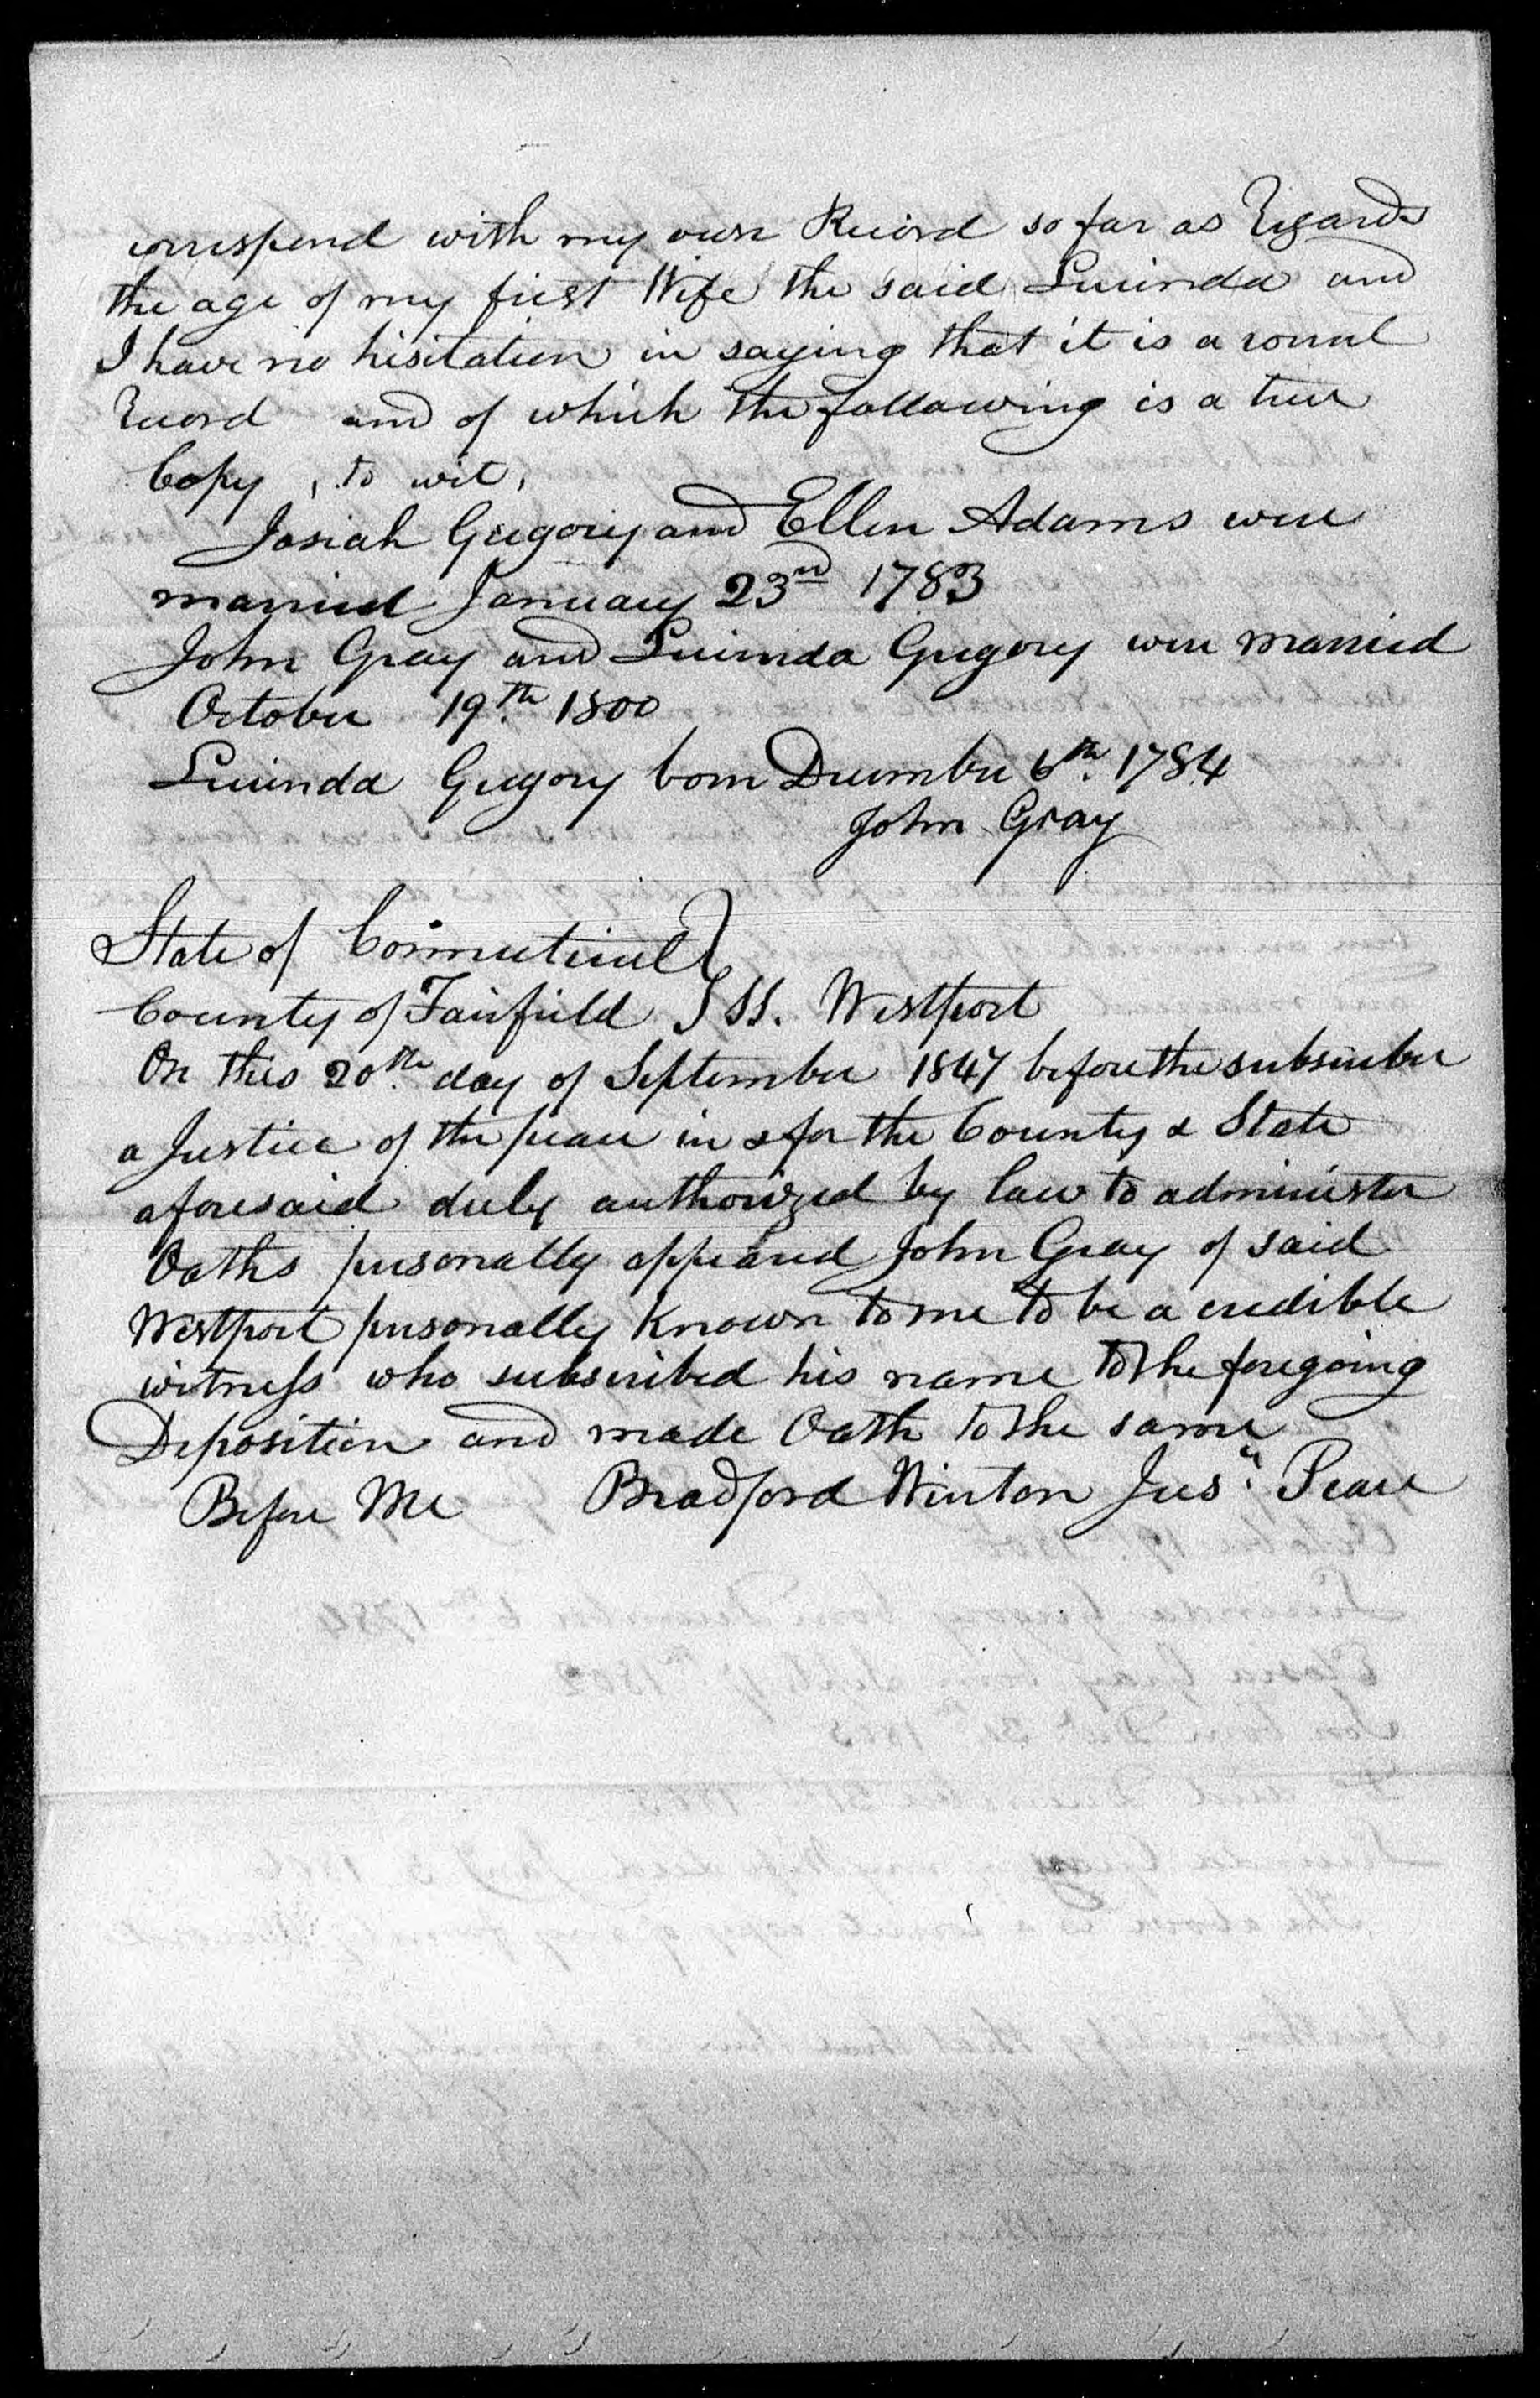correspond with my own Record so far as regards the age of my first Wife the said Lucinda and I have no hesitation in saying that it is a court Record and of which the following is a true Copy, to wit,
     Josiah Gregory and Ellen Adams were married January 23rd 1783
    John Gray and Lucinda Gregory were married October 19th 1800
    Lucinda Gregory born December 6th 1784
                                            John Gray

State of Connecticut
County of Fairfield} SS  Westport

On this 20th day of September 1847 before the subscriber a Justice of the Peace in & for the County& State aforesaid duly authorized by law to administer Oaths personally appeared John Gray of said Westport personally known to me to be a credible witness who subscribed his name to the foregoing Deposition and made Oath to the same 
         Before me  Bradford Winton Jus. Peace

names: John Gray, Lucinda Gregory, John Gray, John Gray, Lucinda, Lucinda Gregory, Bradford Winton, Josiah Gregory, Ellen Adams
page: 20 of 49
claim: widow's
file: W 24308, Josiah Gregory, Conn.